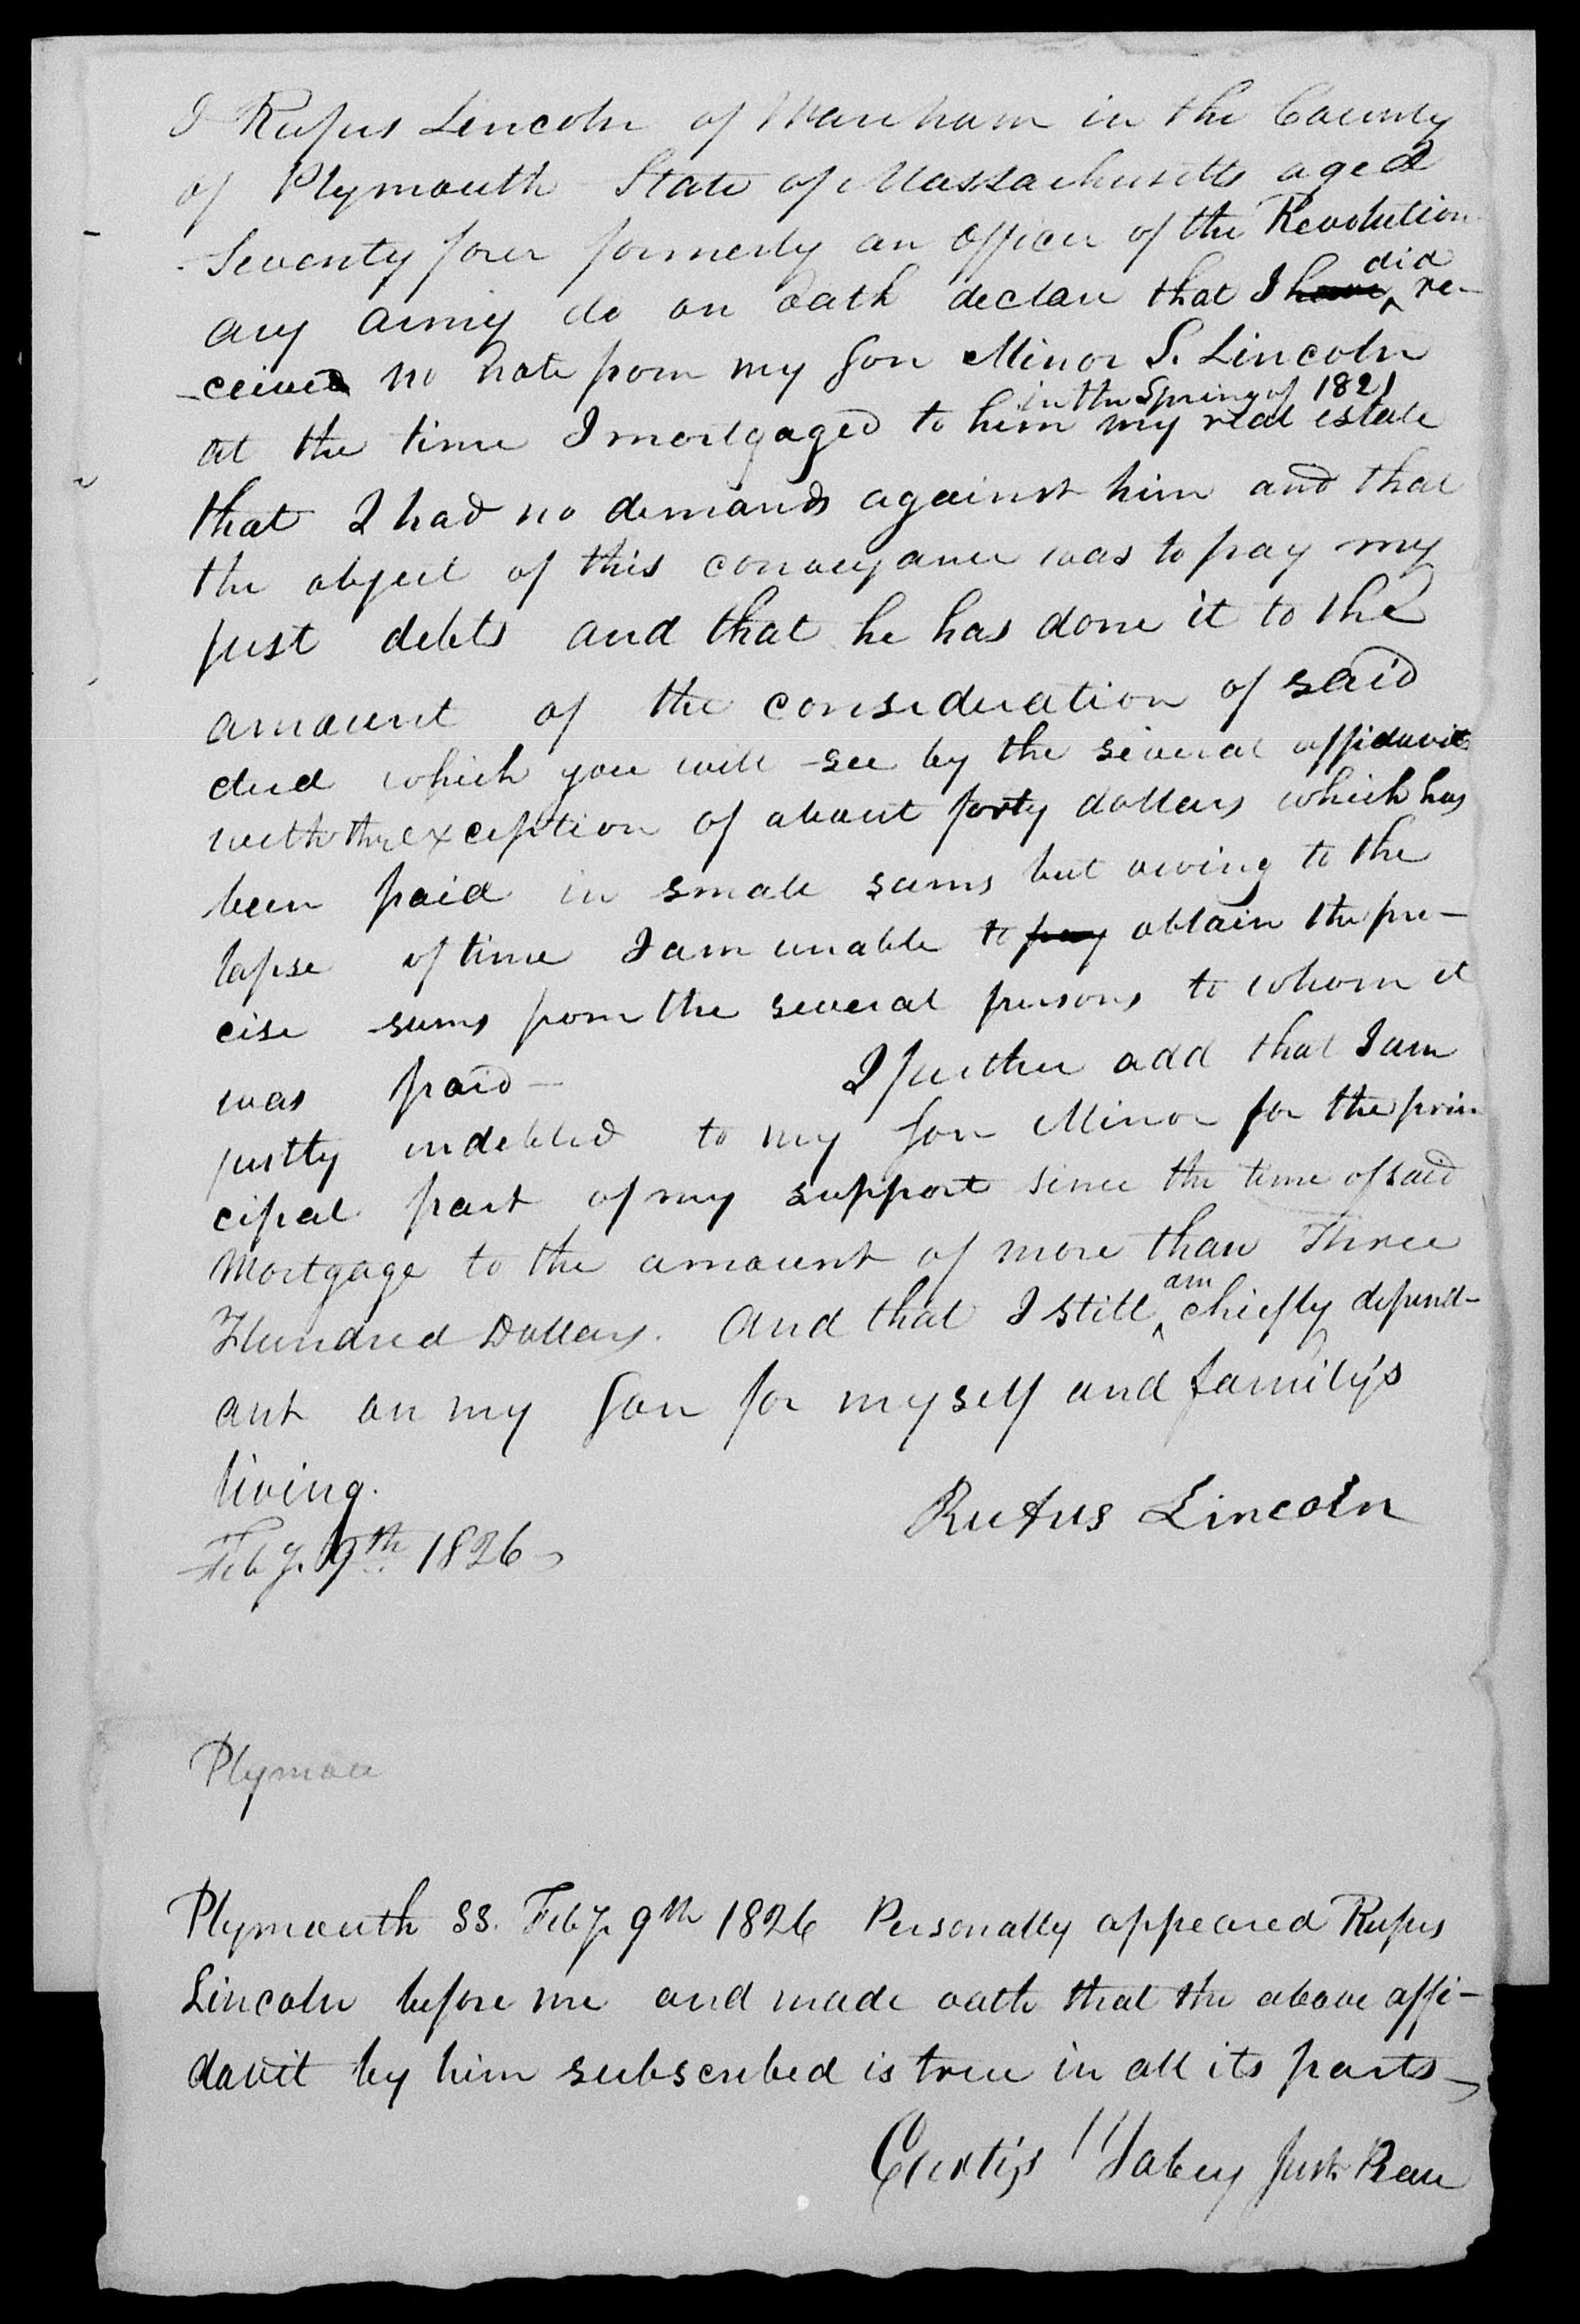I Rufus Lincoln of Wareham in the County
of Plymouth, State of Massachusetts aged
Seventy four formerly an officer of the Revolutionary army do on oath declare that I 
did receive no note from my son Minor S. Lincoln at the time I mortgaged to him in the Spring of 1821 my real estate that I had no demands against him and that the object of this conveyance was to pay my just debts and that he has done it to the amount of the consideration of said deed which you will see by the several affidavits with the exception of about forty dollars which has been paid in small sums but owing to the lapse of time I am unable to obtain the precise sums from the several persons to whom it was paid -
     I further add that I am justly indebted to my son Minor for the principal part of my support since the time of said Mortgage to the amount of more than three Hundred Dollars. And that I still chiefly dependant on my son for myself and family's living
Feby 9th 1826         Rufus Lincoln

Plymouth

Plymouth SS. Feby 9th 1826 Personally appeared Rufus Lincoln before me and made oath that the above affidavit by him subscribed is true in all its parts.
Curtis Tobey   Just. Peace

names: Curtis Tobey; Minor S Lincoln; Rufus Lincoln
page: 53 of 82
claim: widow's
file: W. 13,634, for Rufus Lincoln, Massachusetts